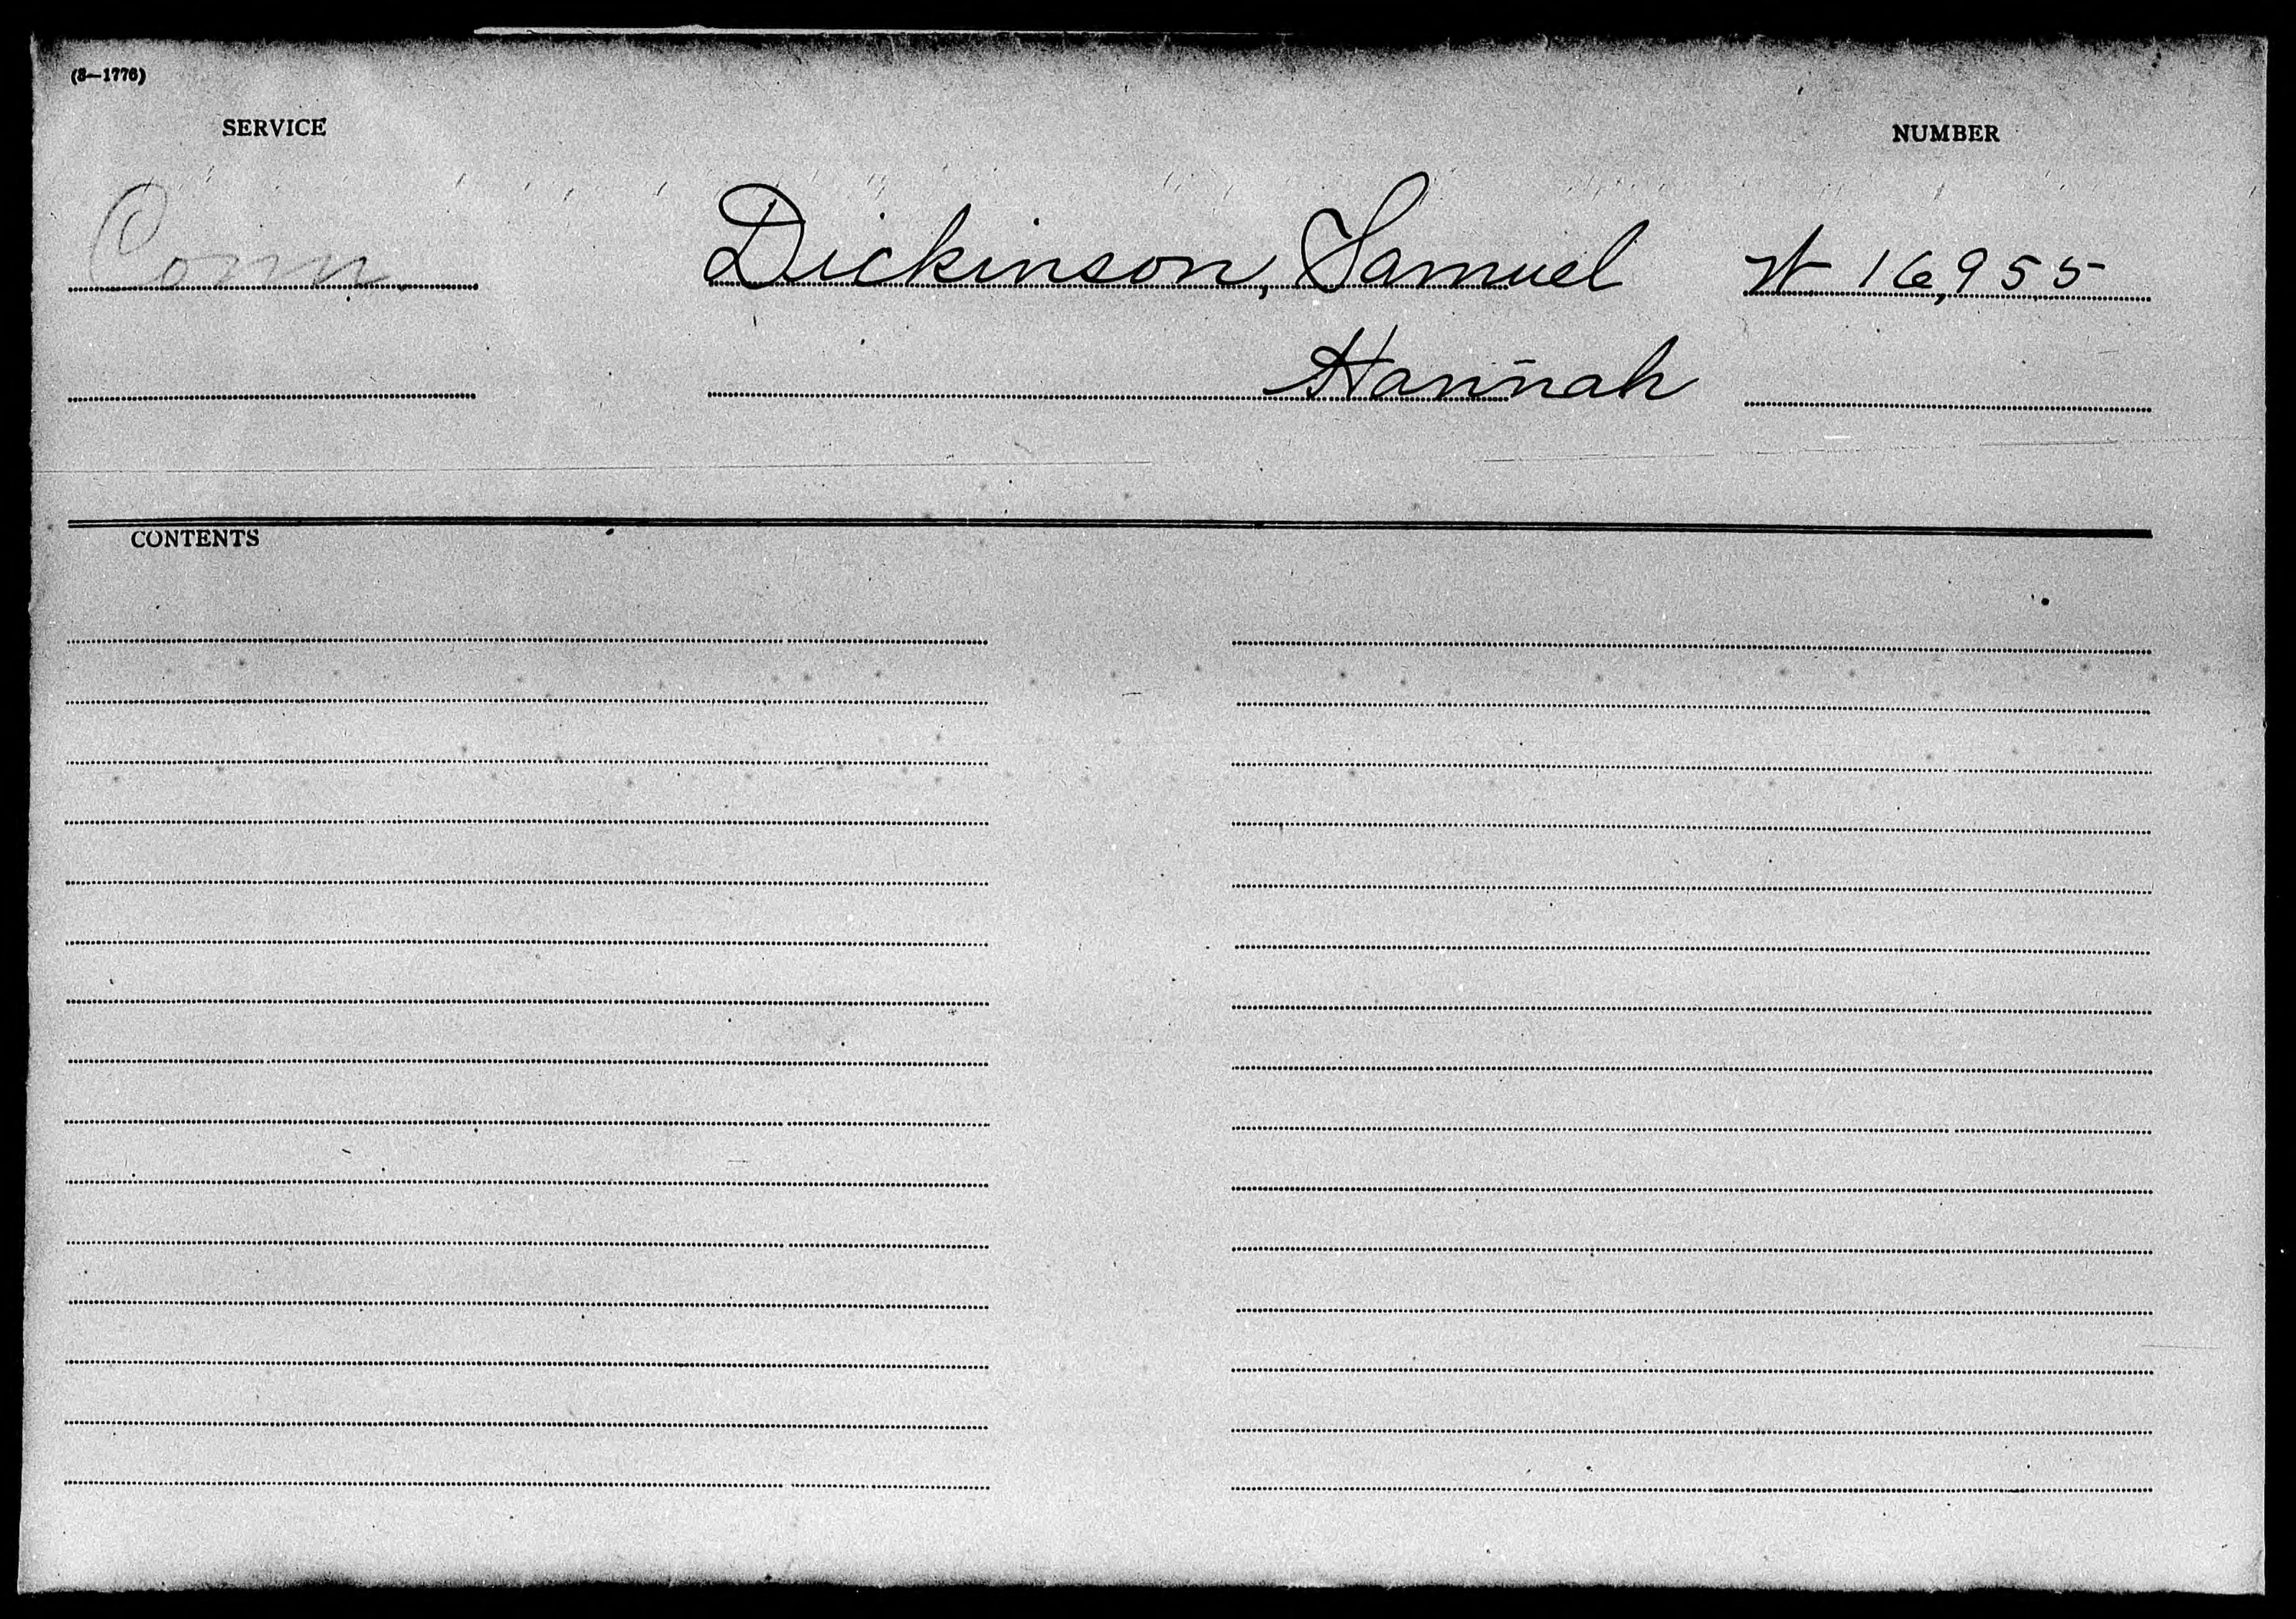(8-1776)
SERVICE
Conn          Dickinson, Samuel     W16,955
                              Hannah
CONTENTS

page: 1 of 60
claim: widow's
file: W 16,955, Samuel Dickinson, Conn.